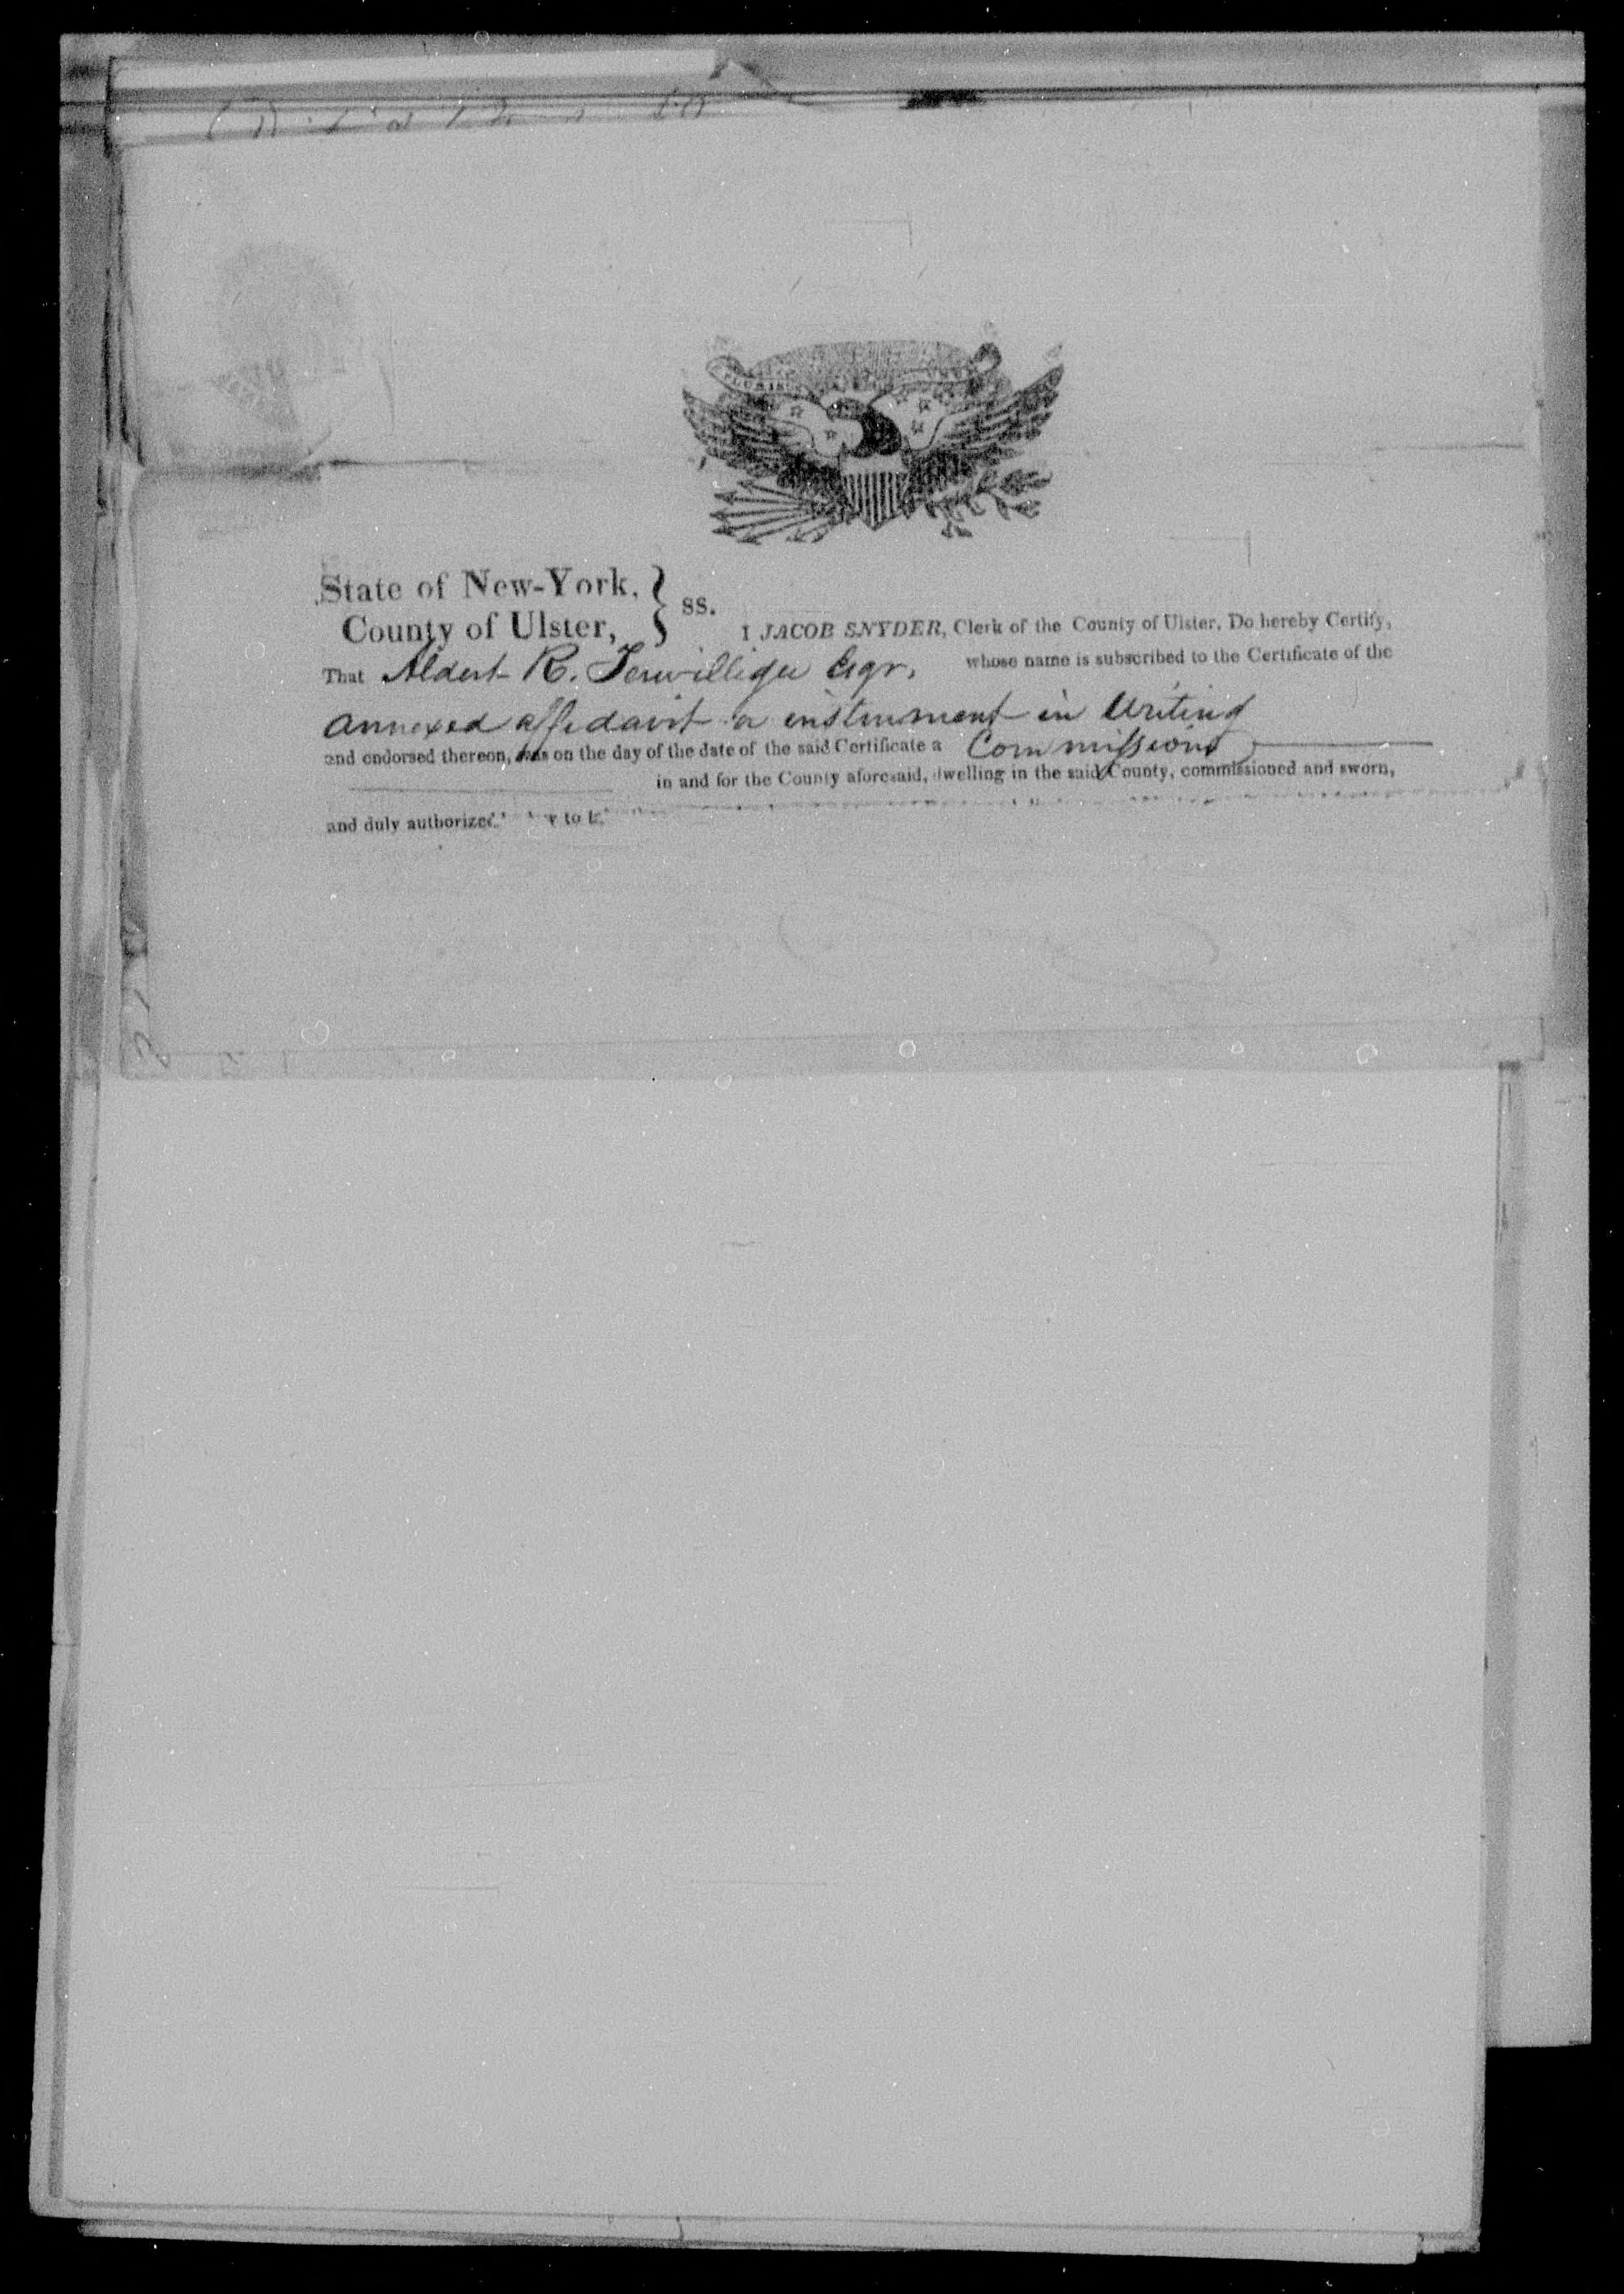State of New-York, ss.
County of Ulster, I JACOB SNYDER, Clerk of the County of Ulster, Do hereby Certify,
That Alder R. Terwilliger Esq, whose name is subscribed to the Certificate of the
annexed affidavit or instrument in writing
and endorsed thereon, this on the day of the date of the said Certificate a Commissioner
and for the County aforesaid, dwelling in the said County, commissioned and sworn,
and duly authorized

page: 10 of 64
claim: survivor's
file: S. 42,464, for William Terwilliger, New York